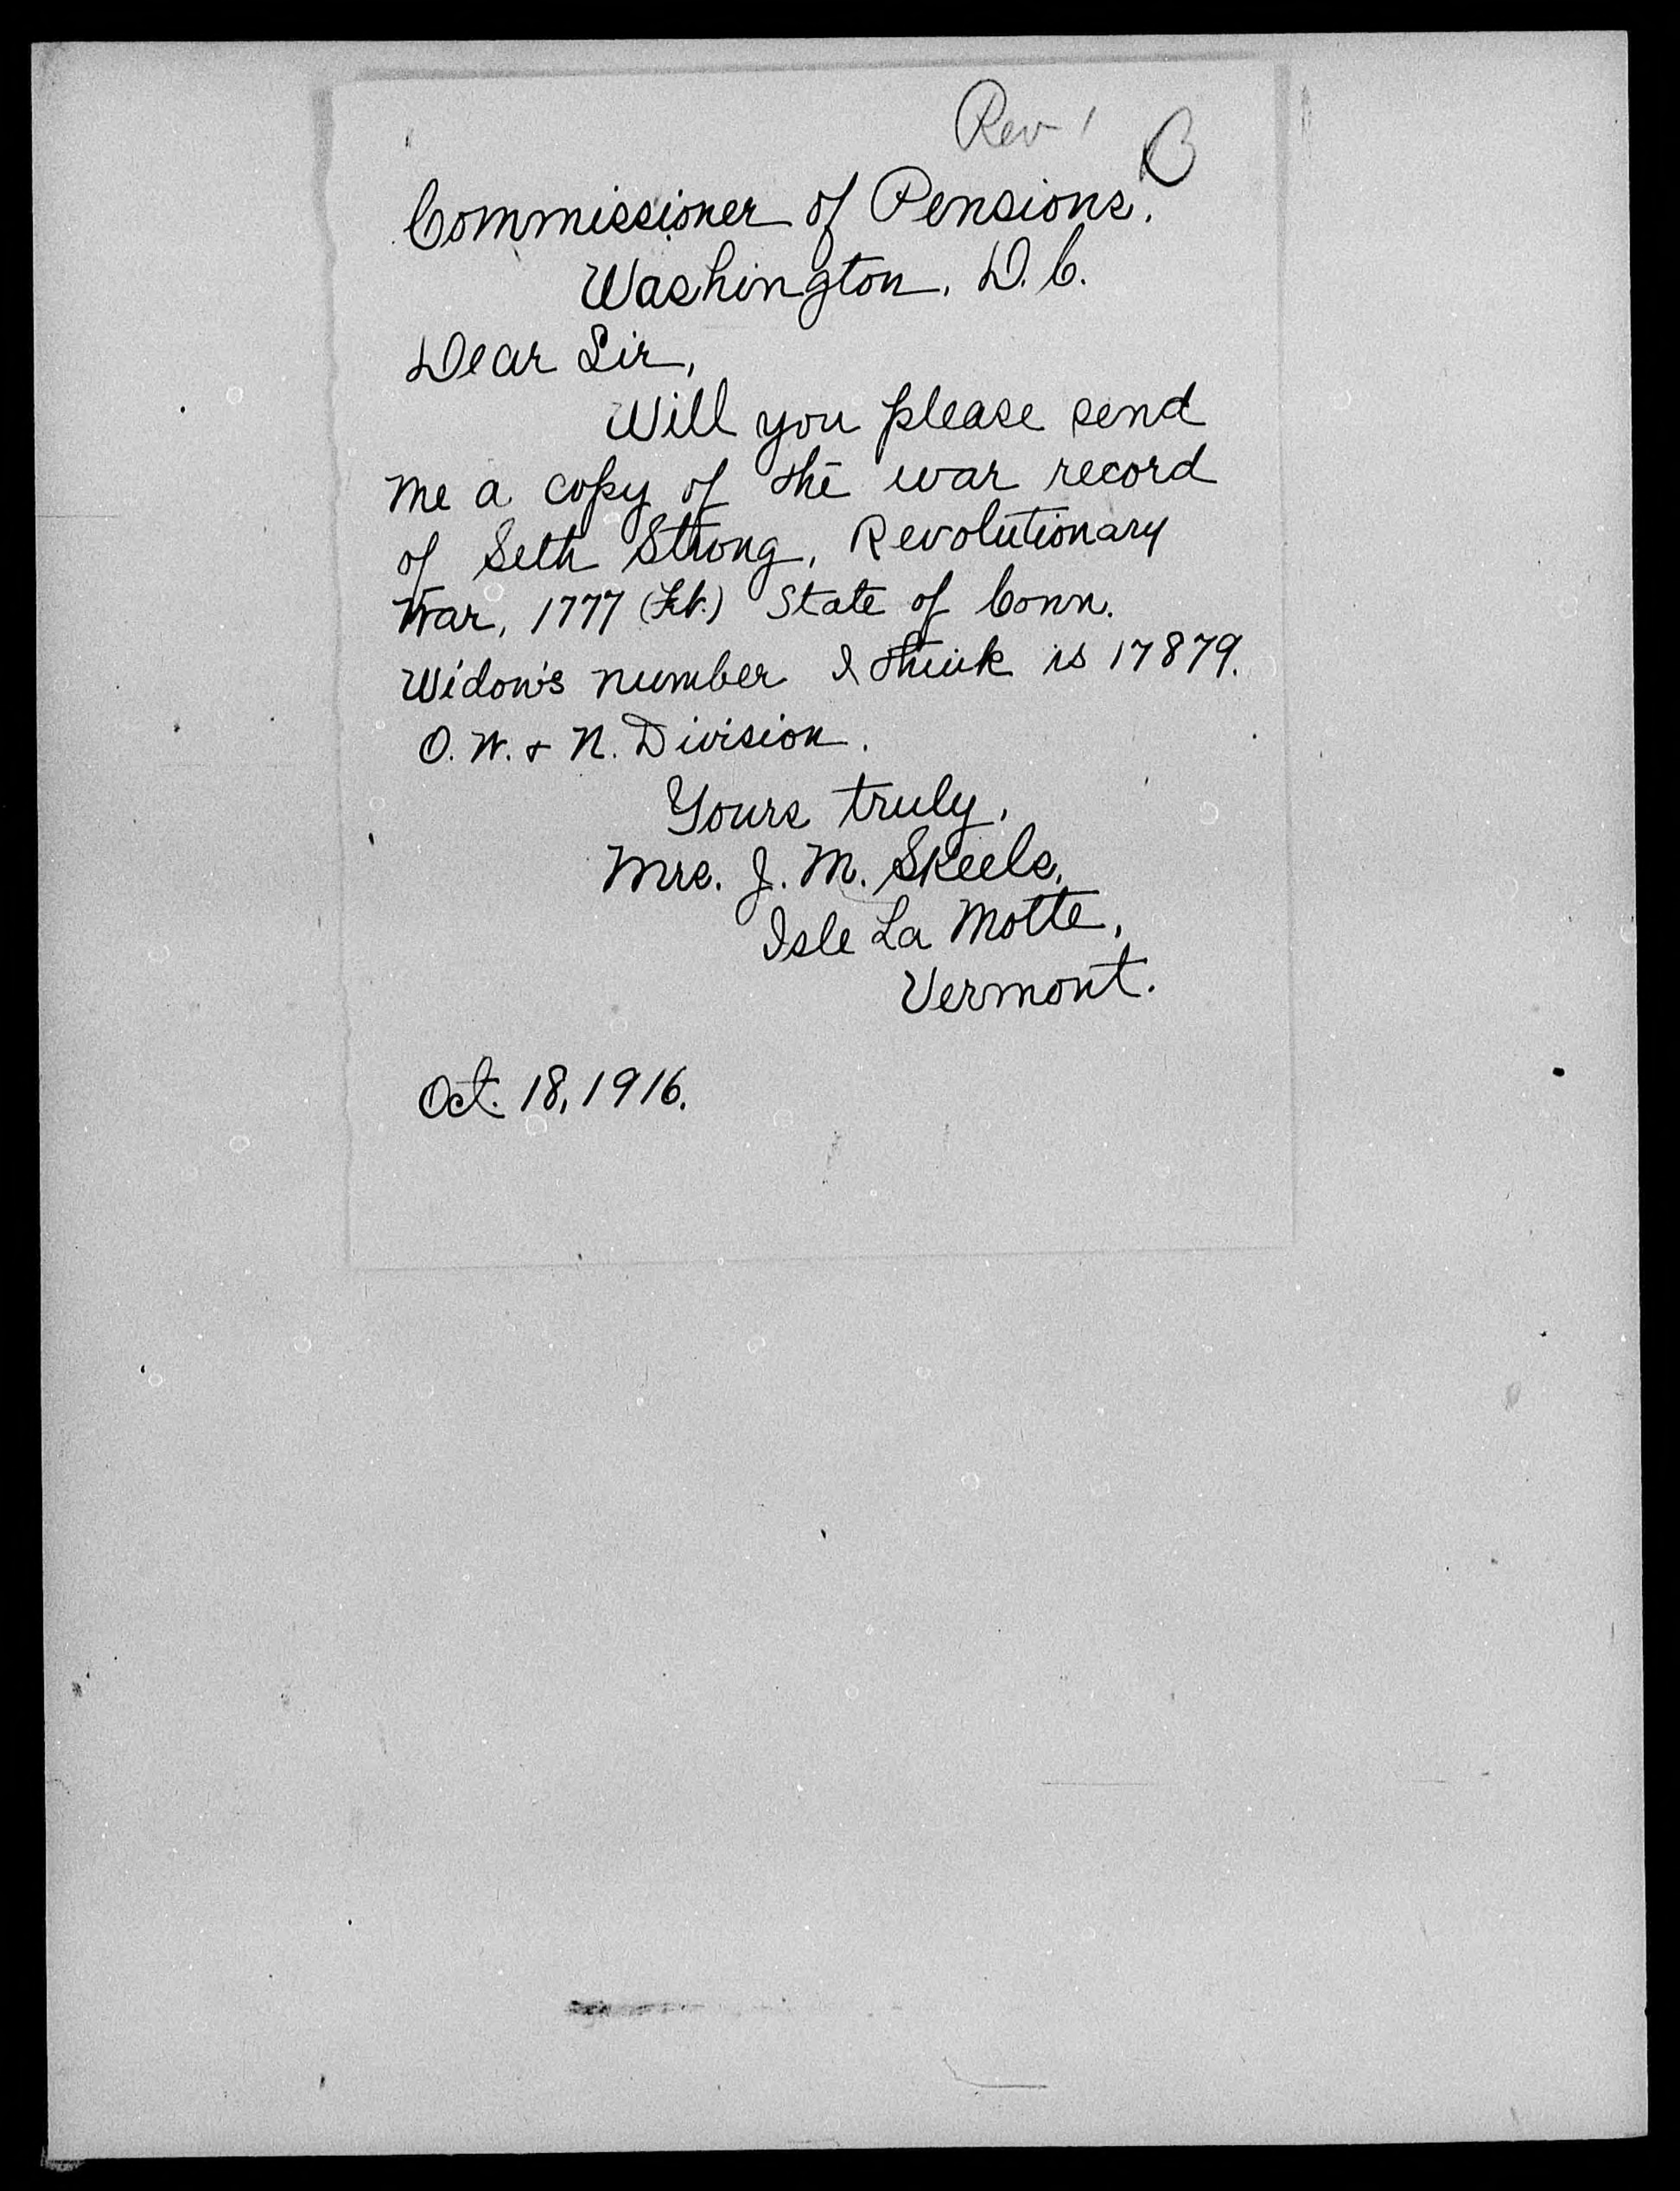Rev  B

Commissioner of Pensions,
Washington, D.C.

Dear Sir,
Will you please send me a copy of the war record of Seth Strong, Revolutionary War, 1777 (Feb.) State of Conn. Widow's number I think is 17879. O.W. & N. Division.

Yours truly,

Mrs. J. M. Skeels
Isle La Motte,
Vermont

Oct. 18, 1916.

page: 24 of 47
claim: widow's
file: W. 17879, for Seth Strong, Connecticut